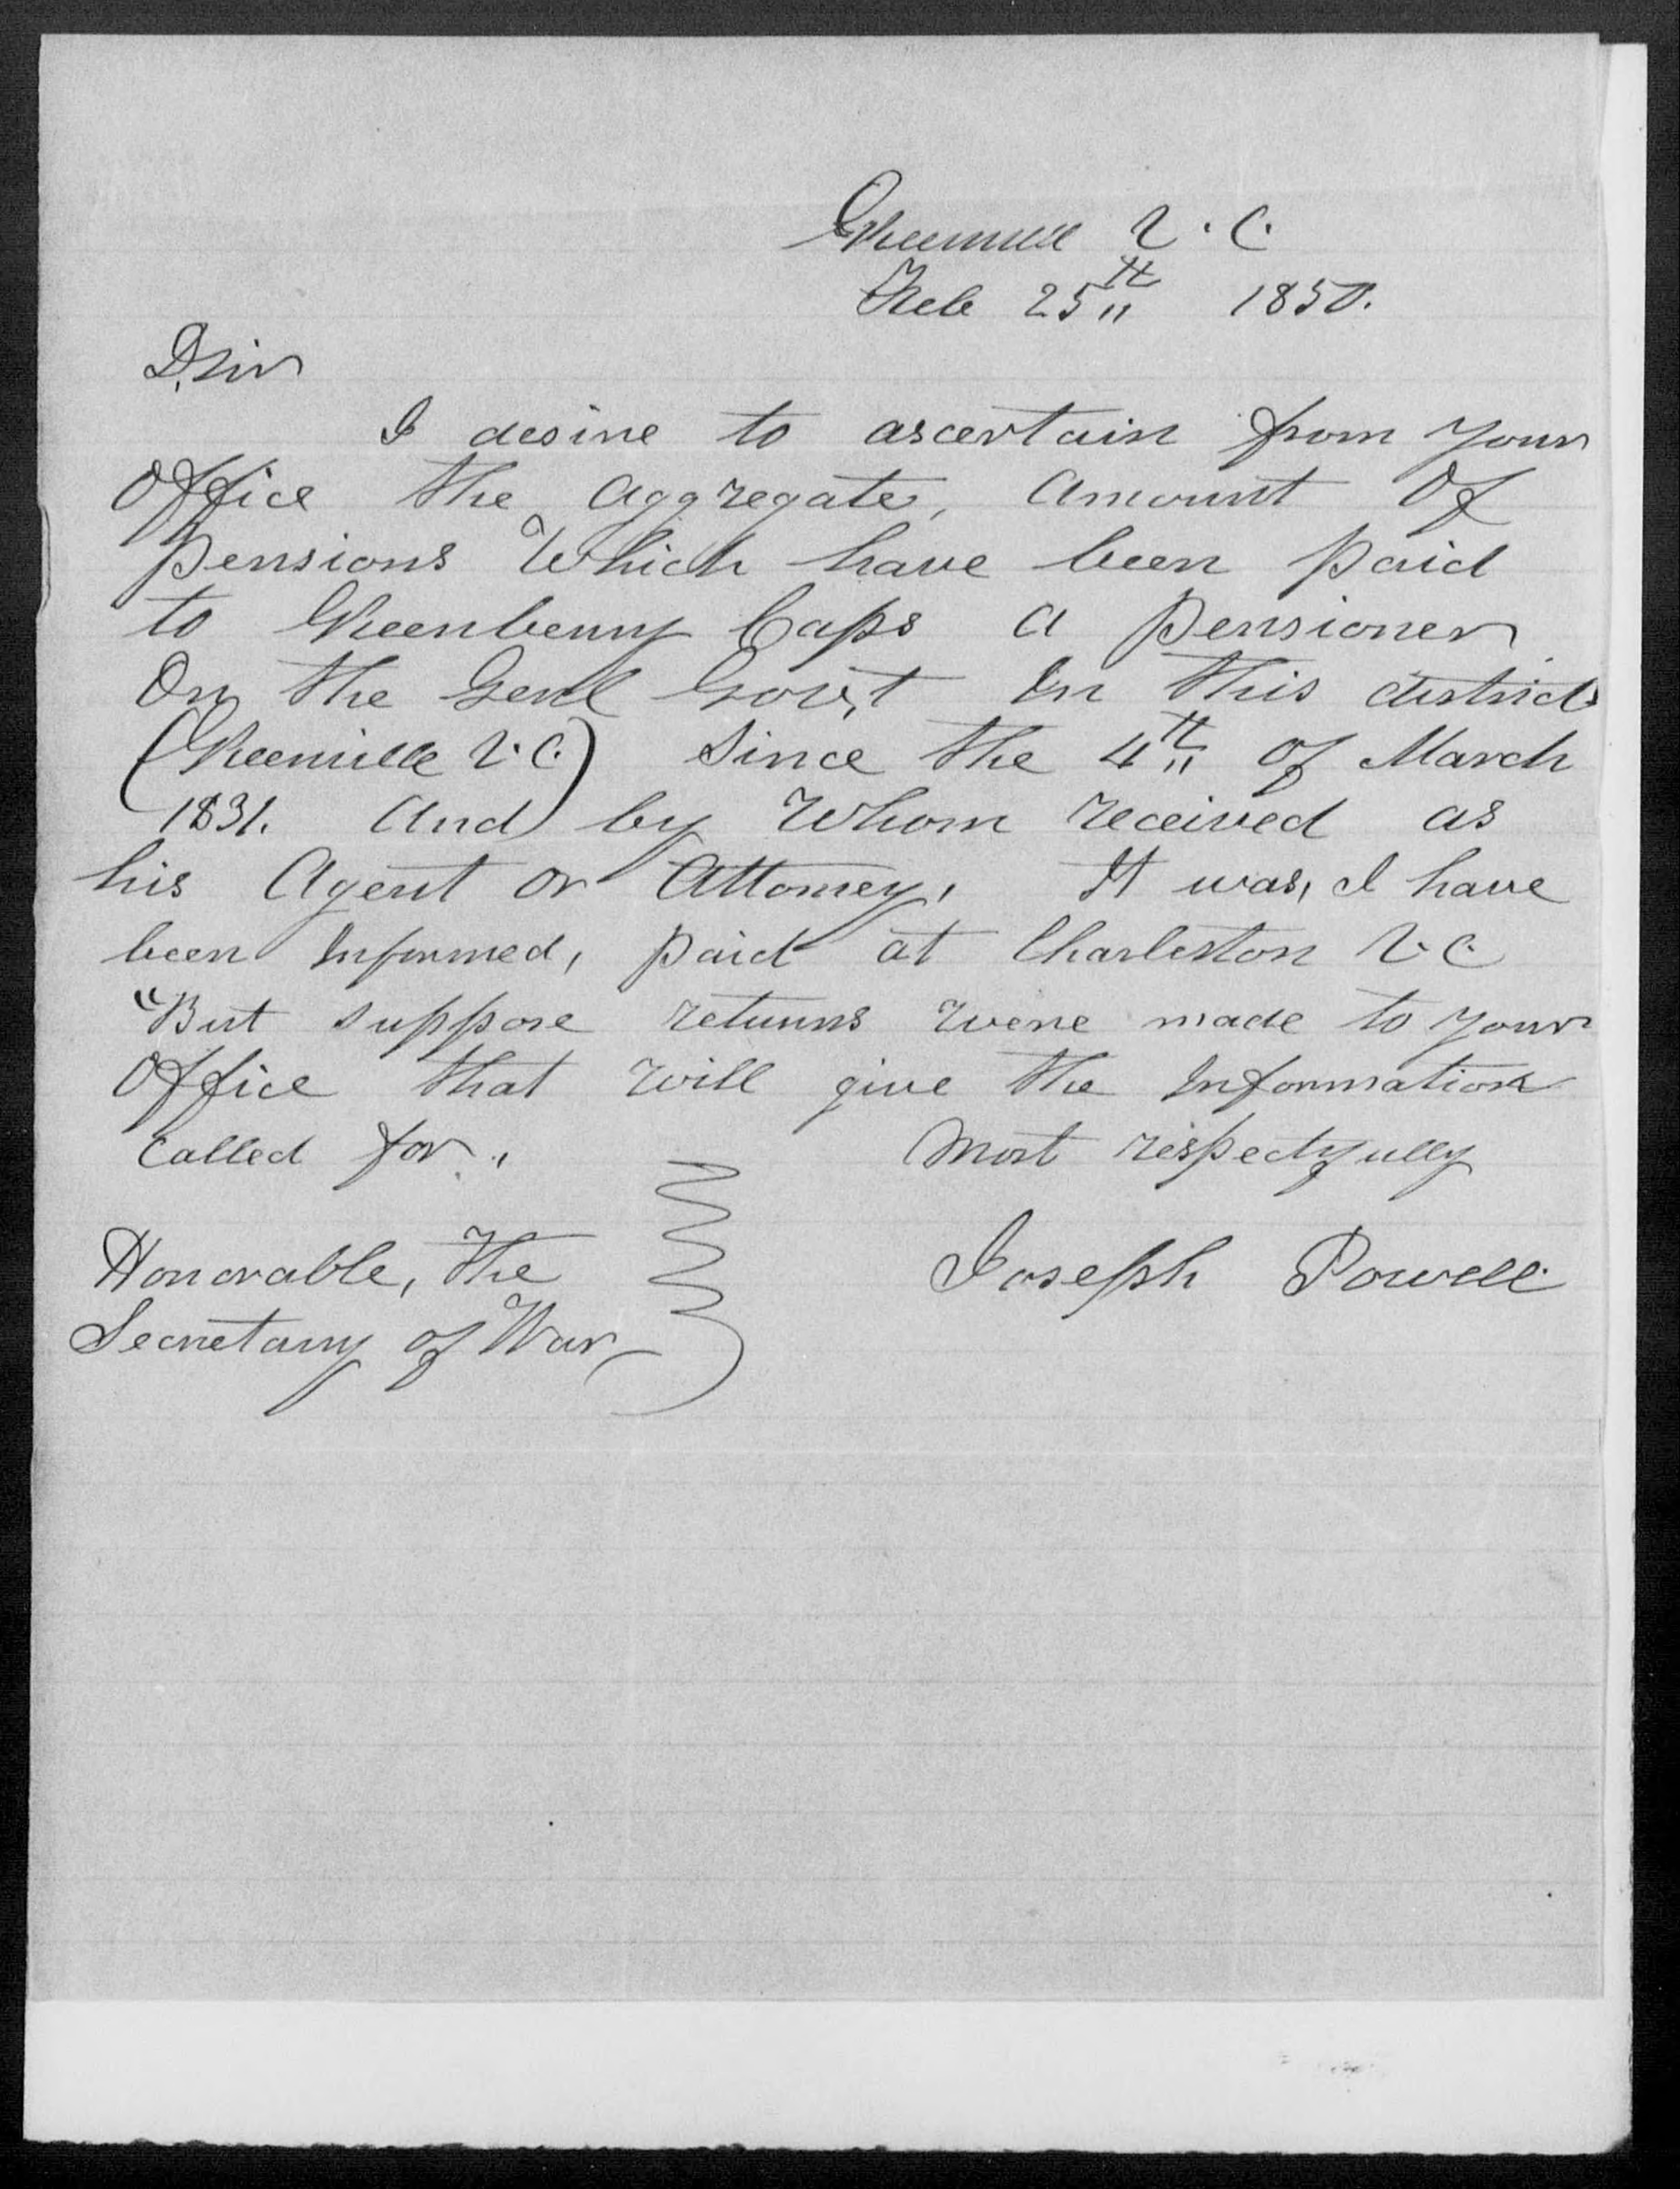Greenville S.C.
Feb 25th 1850

D.Sir
I desire to ascertain from your office the aggregate amount of pensions which have been paid to Greenberry Caps a pensioner On the Genl Govt In this district (Greenville S.C.) since the 4th of March 1831. And by whom received as his Agent or Attorney.  It was, I have been Informed, paid at Charleston S.C. "But suppose returned wene [when?] made to your Office that will give the information called for.
Most respectfully
Joseph Powell

Honorable, The   }
Secretary of War }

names: Greenbenry Caps, Goist, Joseph Powell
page: 13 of 26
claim: survivor's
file: S. 21105, Greenbery Caps, S.C.